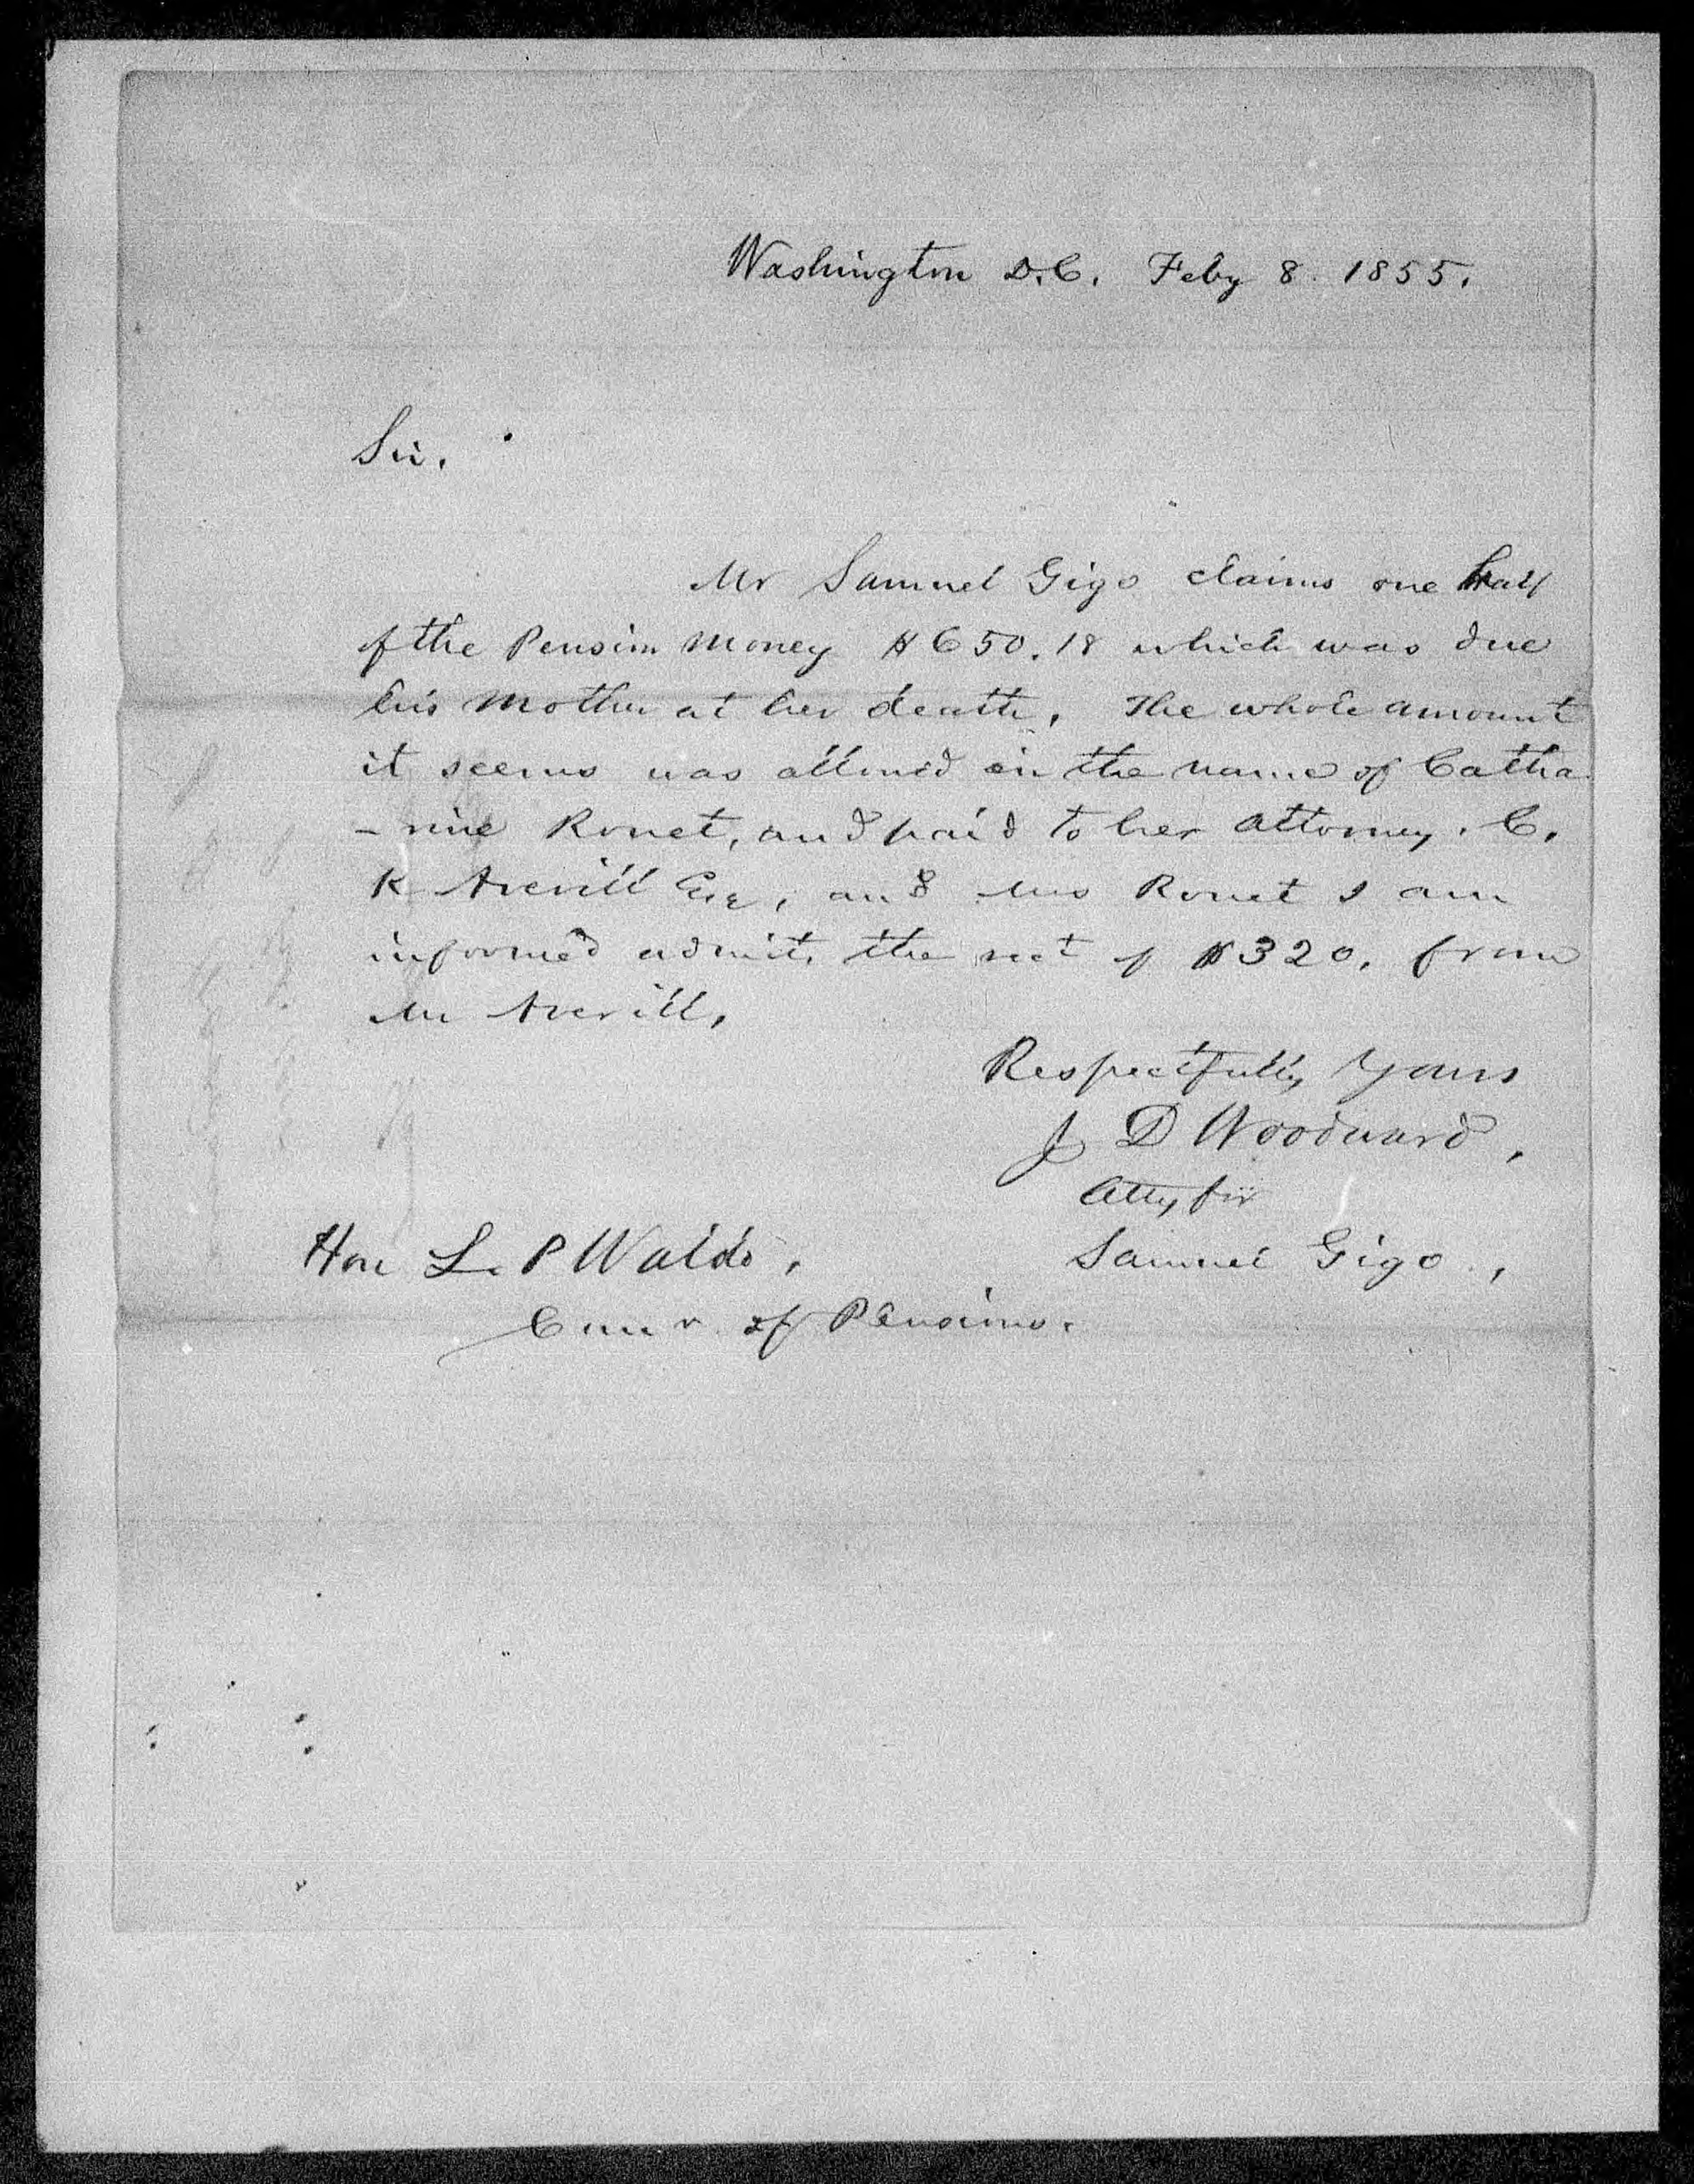Washington DC 
 Feby 8, 1855

Sir,
Mr. Samuel Gigo claims one half of the pension money $650.18 which was due his mother at her death.  The whole amount it seems was allowed in the name of Catherine Rouet, and paid to her attorney, C K Averill Esq, and  [illegible] Rouet, I am informed, admit the rect of $320. from Mr Averill.
Respectfully yours,
J D Woodward
Atty for Samuel Gigo


Hon L P Waldo
Comm of Pensions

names: Rouet, J D Woodward, Averill, L P Waldo, Samuel Gigo, Catharine Rouet, C K Averill, Samuel Gigo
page: 96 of 98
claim: widow's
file: W. 21182, Francis Gigo, Continental (Canadian)